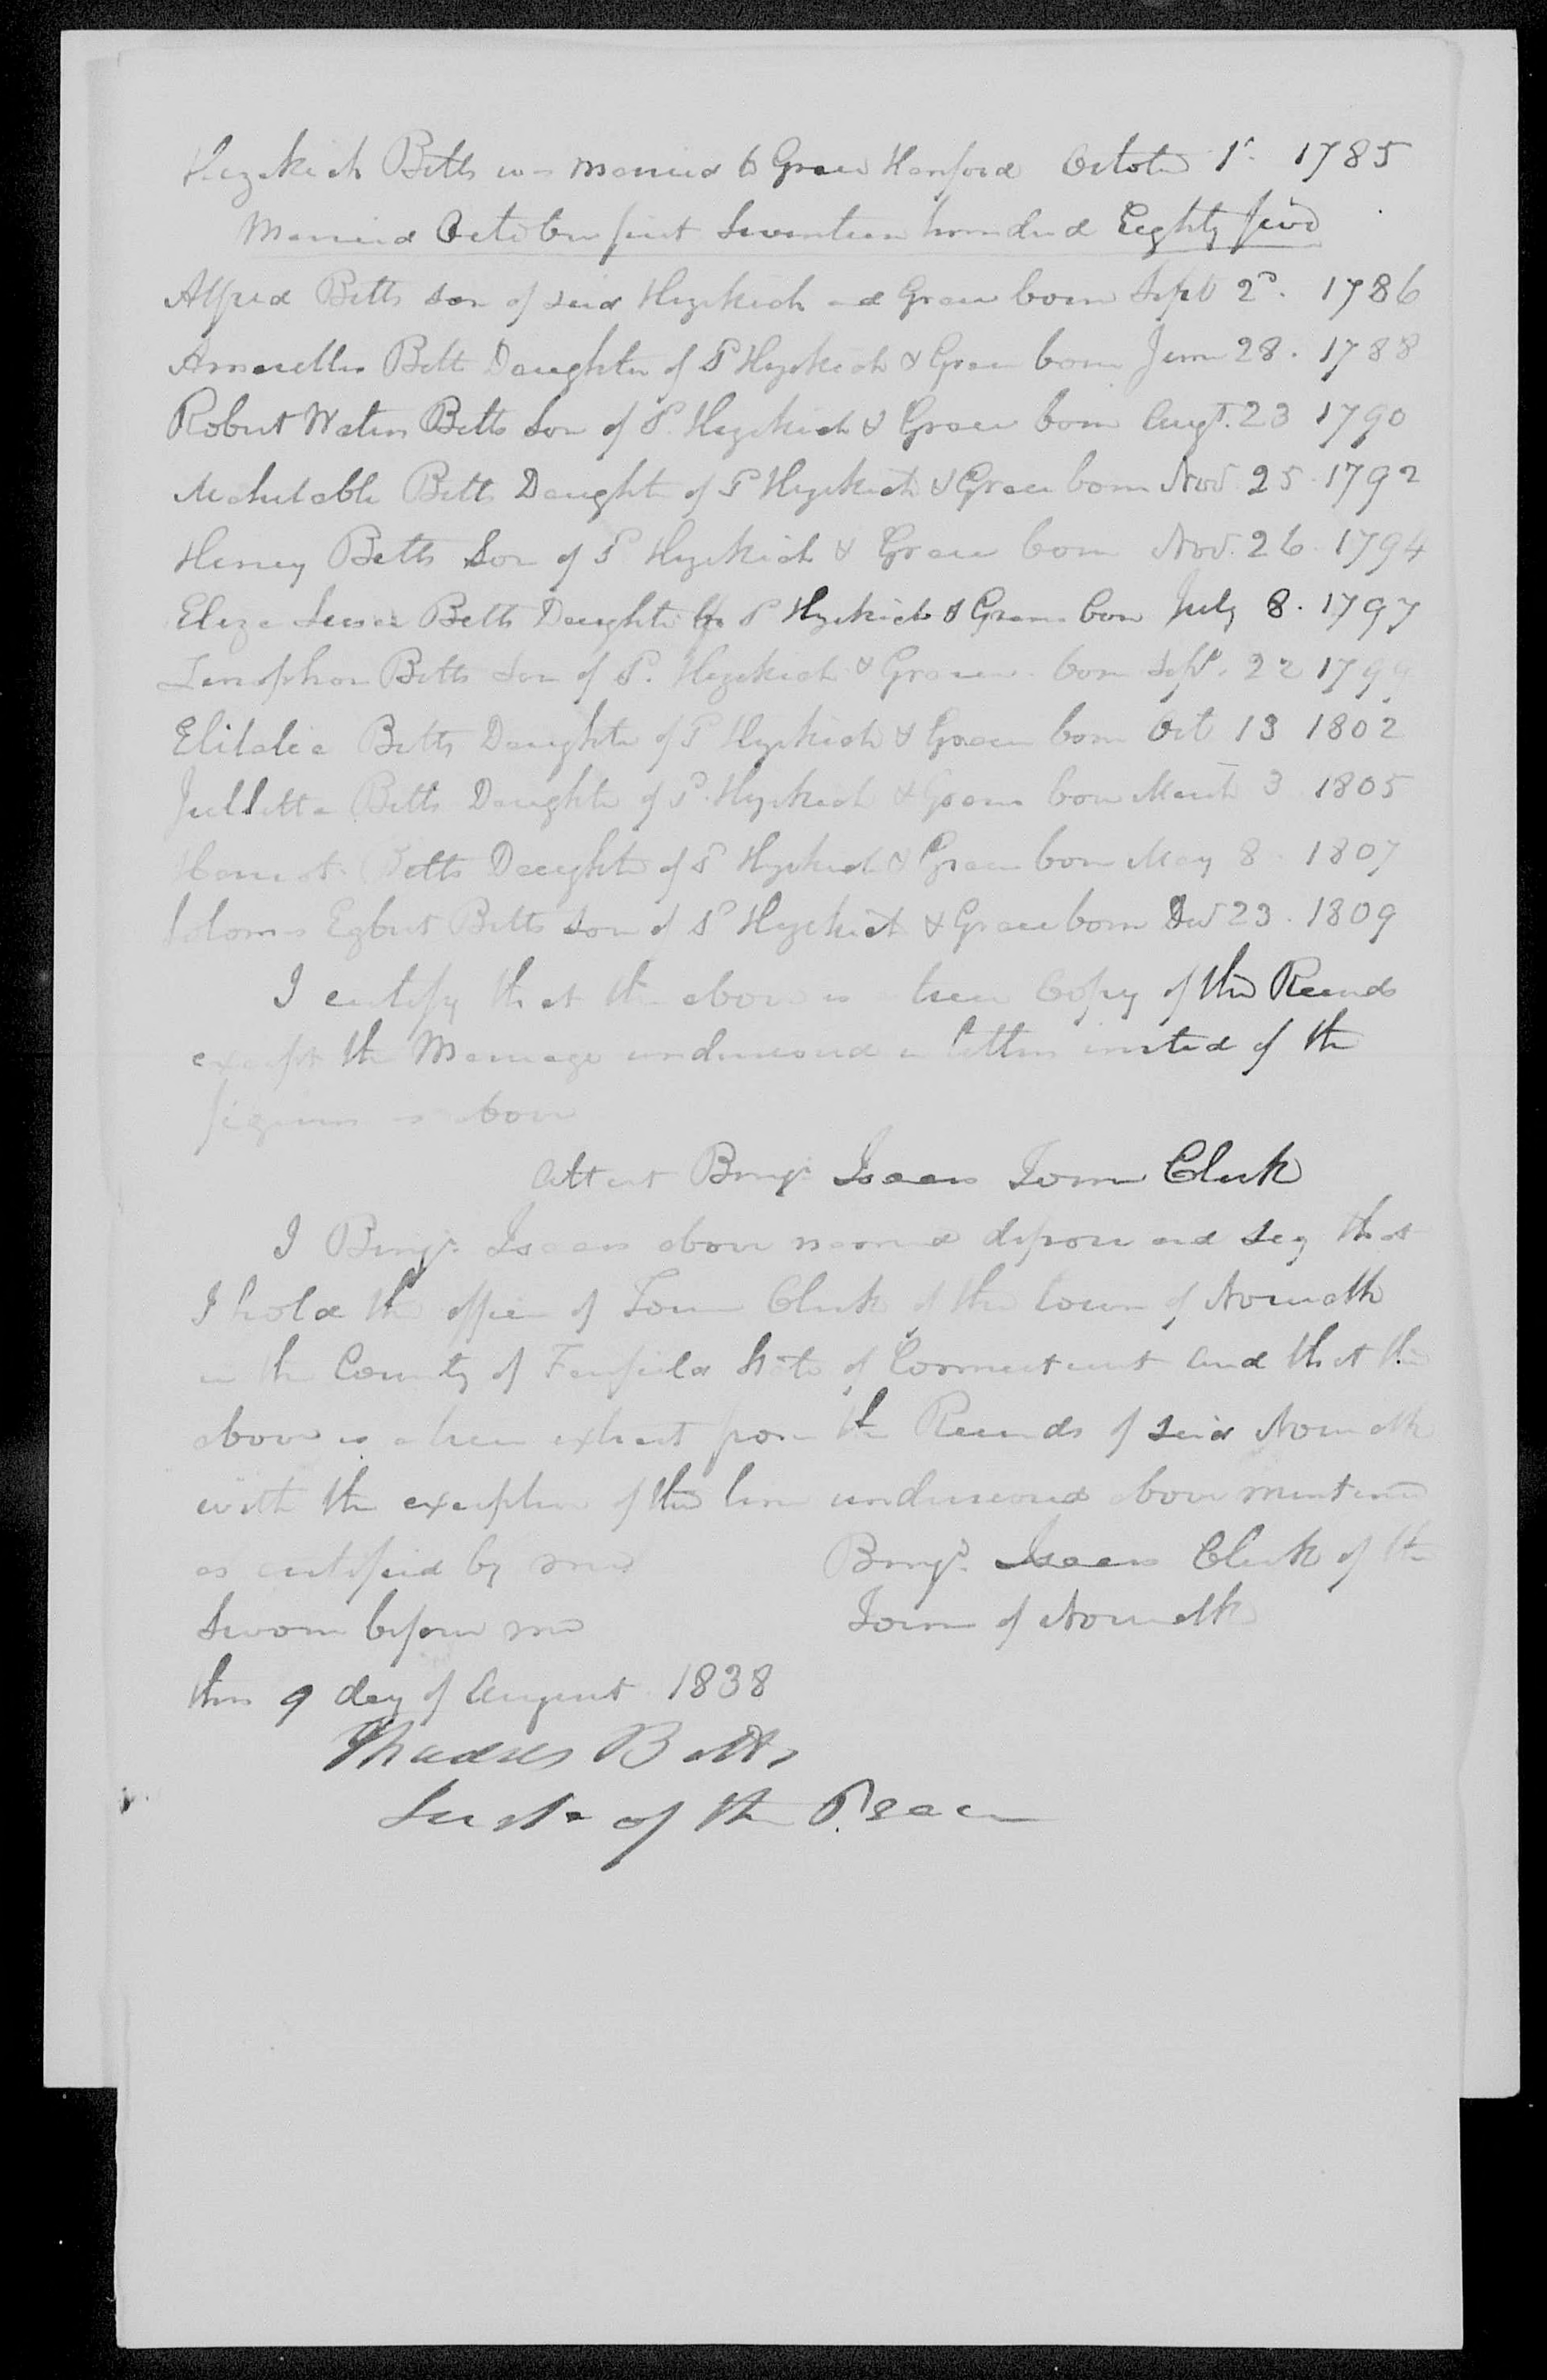Hezekiah Betts was married to Grace Hanford October 1st 1785
Married October first seventeen hundred eighty five
Alfred Betts son of said Hezekiah and Grace born Sept 2d 1786
Amarella Betts daughter of sd Hezekiah and Grace born June 28, 1788
Robert Waters Betts son of sd Hezekiah & Grace born Augt 23, 1790
Mahetable Betts daughter of sd Hezekiah & Grace born Nov 25, 1792
Henry Betts son of sd Hezekiah & Grace born Nov 26, 1794
Eliza Susan Betts daughter of sd Hezekiah & Grace born July 8, 1797
Lampher Betts son of sd Hezekiah & Grace born Sept 22, 1799
Elilelia Betts daughter of sd Hezekiah & Grace born Oct 13, 1802
Jullette Betts daughter of sd Hezekiah & Grace born March 3, 1805
Harriet Betts daughter of sd Hezekiah & Grace born May 8, 1807
Solomon Egbert Betts son of sd Hezekiah & Grace born Dec 23, 1809
I certify that the above is a true copy of the Records except the marriage underscored a letter instead of the figures as above.
attest Benj Isaacs Clerk
I Benj Isaacs above named depose and say that I hold the office of Town Clerk of the town of Norwalk in the County of Fairfield, State of Connecticut and that the above is true extract from the Records of said Norwalk with the exception of the line underscored above mentioned as certified by me.
Benj Isaacs Clerk of the Town of Norwalk
Sworn before me this 9 day of August 1838
Thadds Betts
Justice of the Peace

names: Hezekiah, Hezekiah, Hezekiah, Elilelia Betts, Eliza Susan Betts, Grac, Grace, Harriet Betts, Grace, Hezekiah, Hezekiah, Hezekiah, Grace, Grace, Hezekiah, Lampher Betts, Alfred Betts, Benje Isaacs, Grace, Hezekiah Betts, Thadds Betts, Benje Isaacs, Mahetable Betts, Grace, Hezekiah, Jullette Betts, Amereller Betts, Grace, Hezekiah, Hezekiah, Robert Waters Betts, Grace, Grace Hanford, Solomon Egbert Betts, Henry Betts, Benje Isaacs, Grace, Grace, Hezekiah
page: 15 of 61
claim: widow's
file: W. 29,929, Hezekiah Betts, Conn.